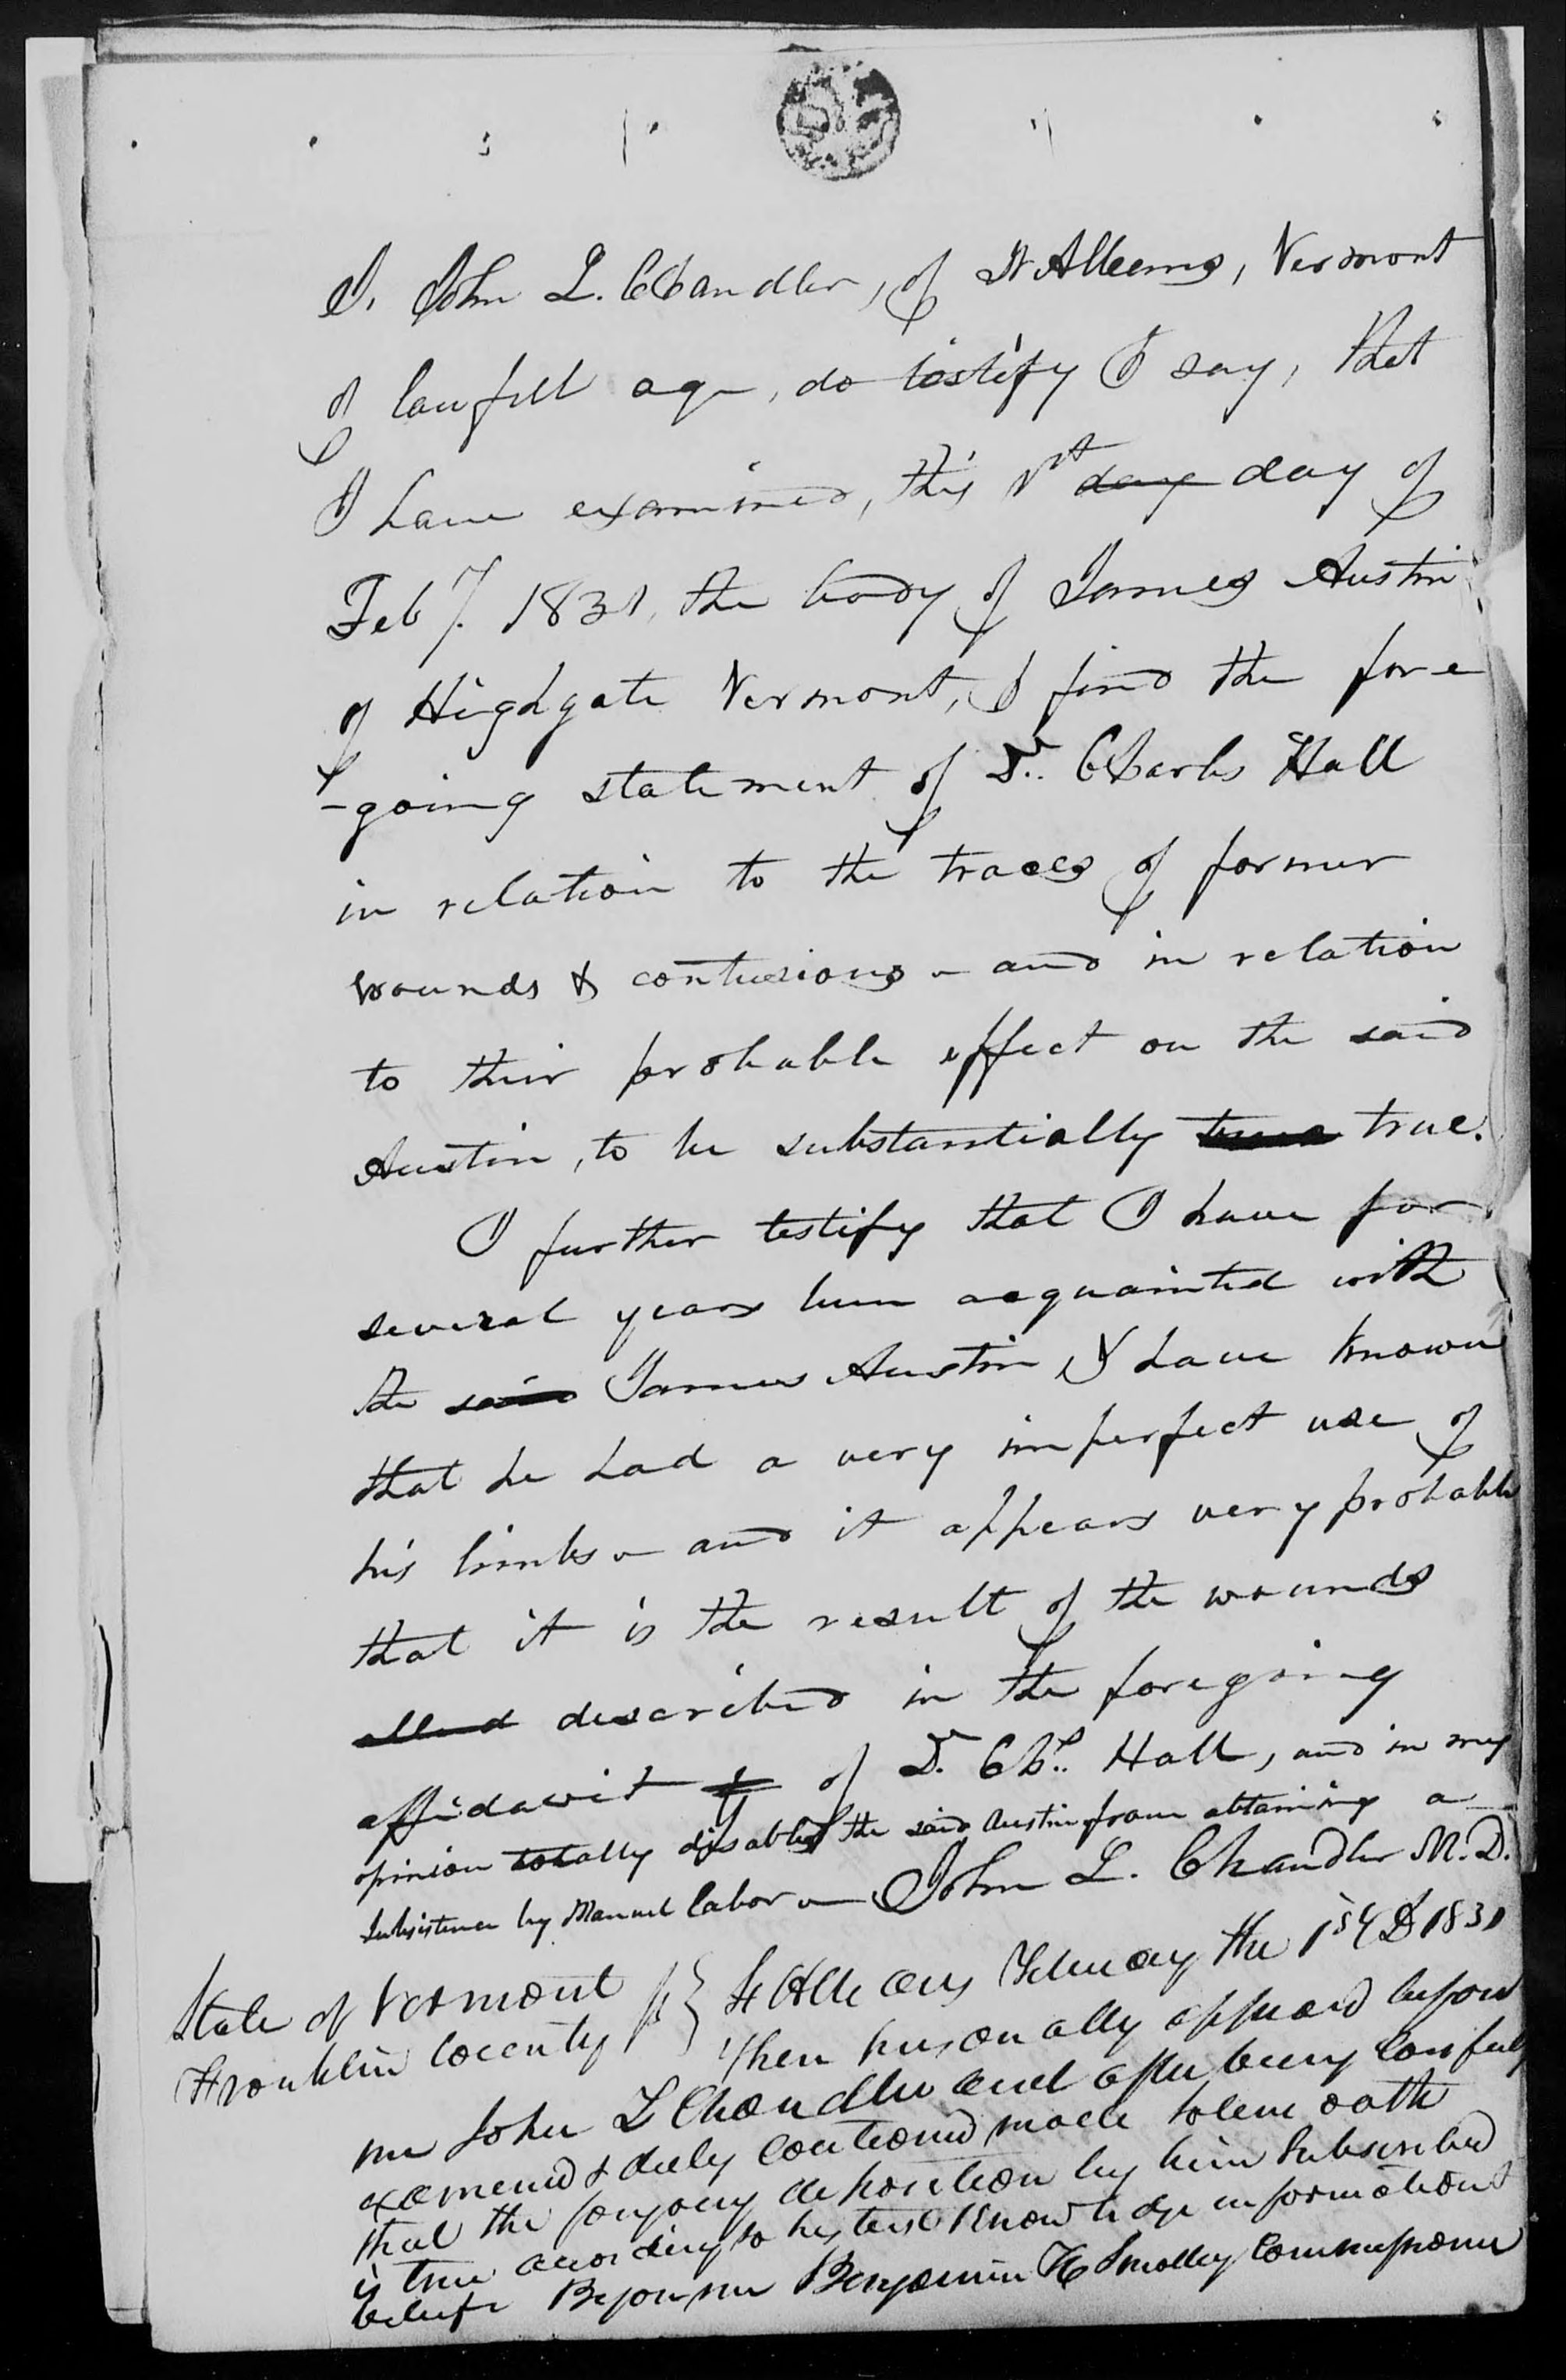[stamp]
I, John L. Chandler, of St Albans, Vermont of lawful age, do testify & say, that I have examined, this day of Feb 7, 1831 the body of James Austin of Highgate Vermont. I find the foregoing statement of Dr. Charles Hall in relation to the traces of former wounds & contusions, and in relation to their probable effect on the said Austin, to be substantially true.
I further testify that I have for several years been acquainted with the said James Austin & have known that he had a very imperfect use of his limbs and it appears very probable that it is the result of the wounds described in the foregoing affidavit of Dr. Ch. Hall, and in my opinion totally disabled the said Austin from obtaining a subsistence by manual labor --
John L. Chandler M.D.

State of Vermont   } St Albans February the 
Franklin County ss } 1st AD 1831 then personally appeared before me John L Chandler and after being carefully examined & duly cautioned made solemn oath that the foregoing deposition by him subscribed is true according to the best I know to be inform about beliefs
Before me Benjamin H Smalley Commissioner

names: Benjamin H Smalley, John L Chandler, Charles Hall, John L Chandler, Austin, John L Chandler, James Austin, Hall, James Austin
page: 58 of 100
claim: survivor's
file: S 19186, James Austin, Conn. New York R.I.